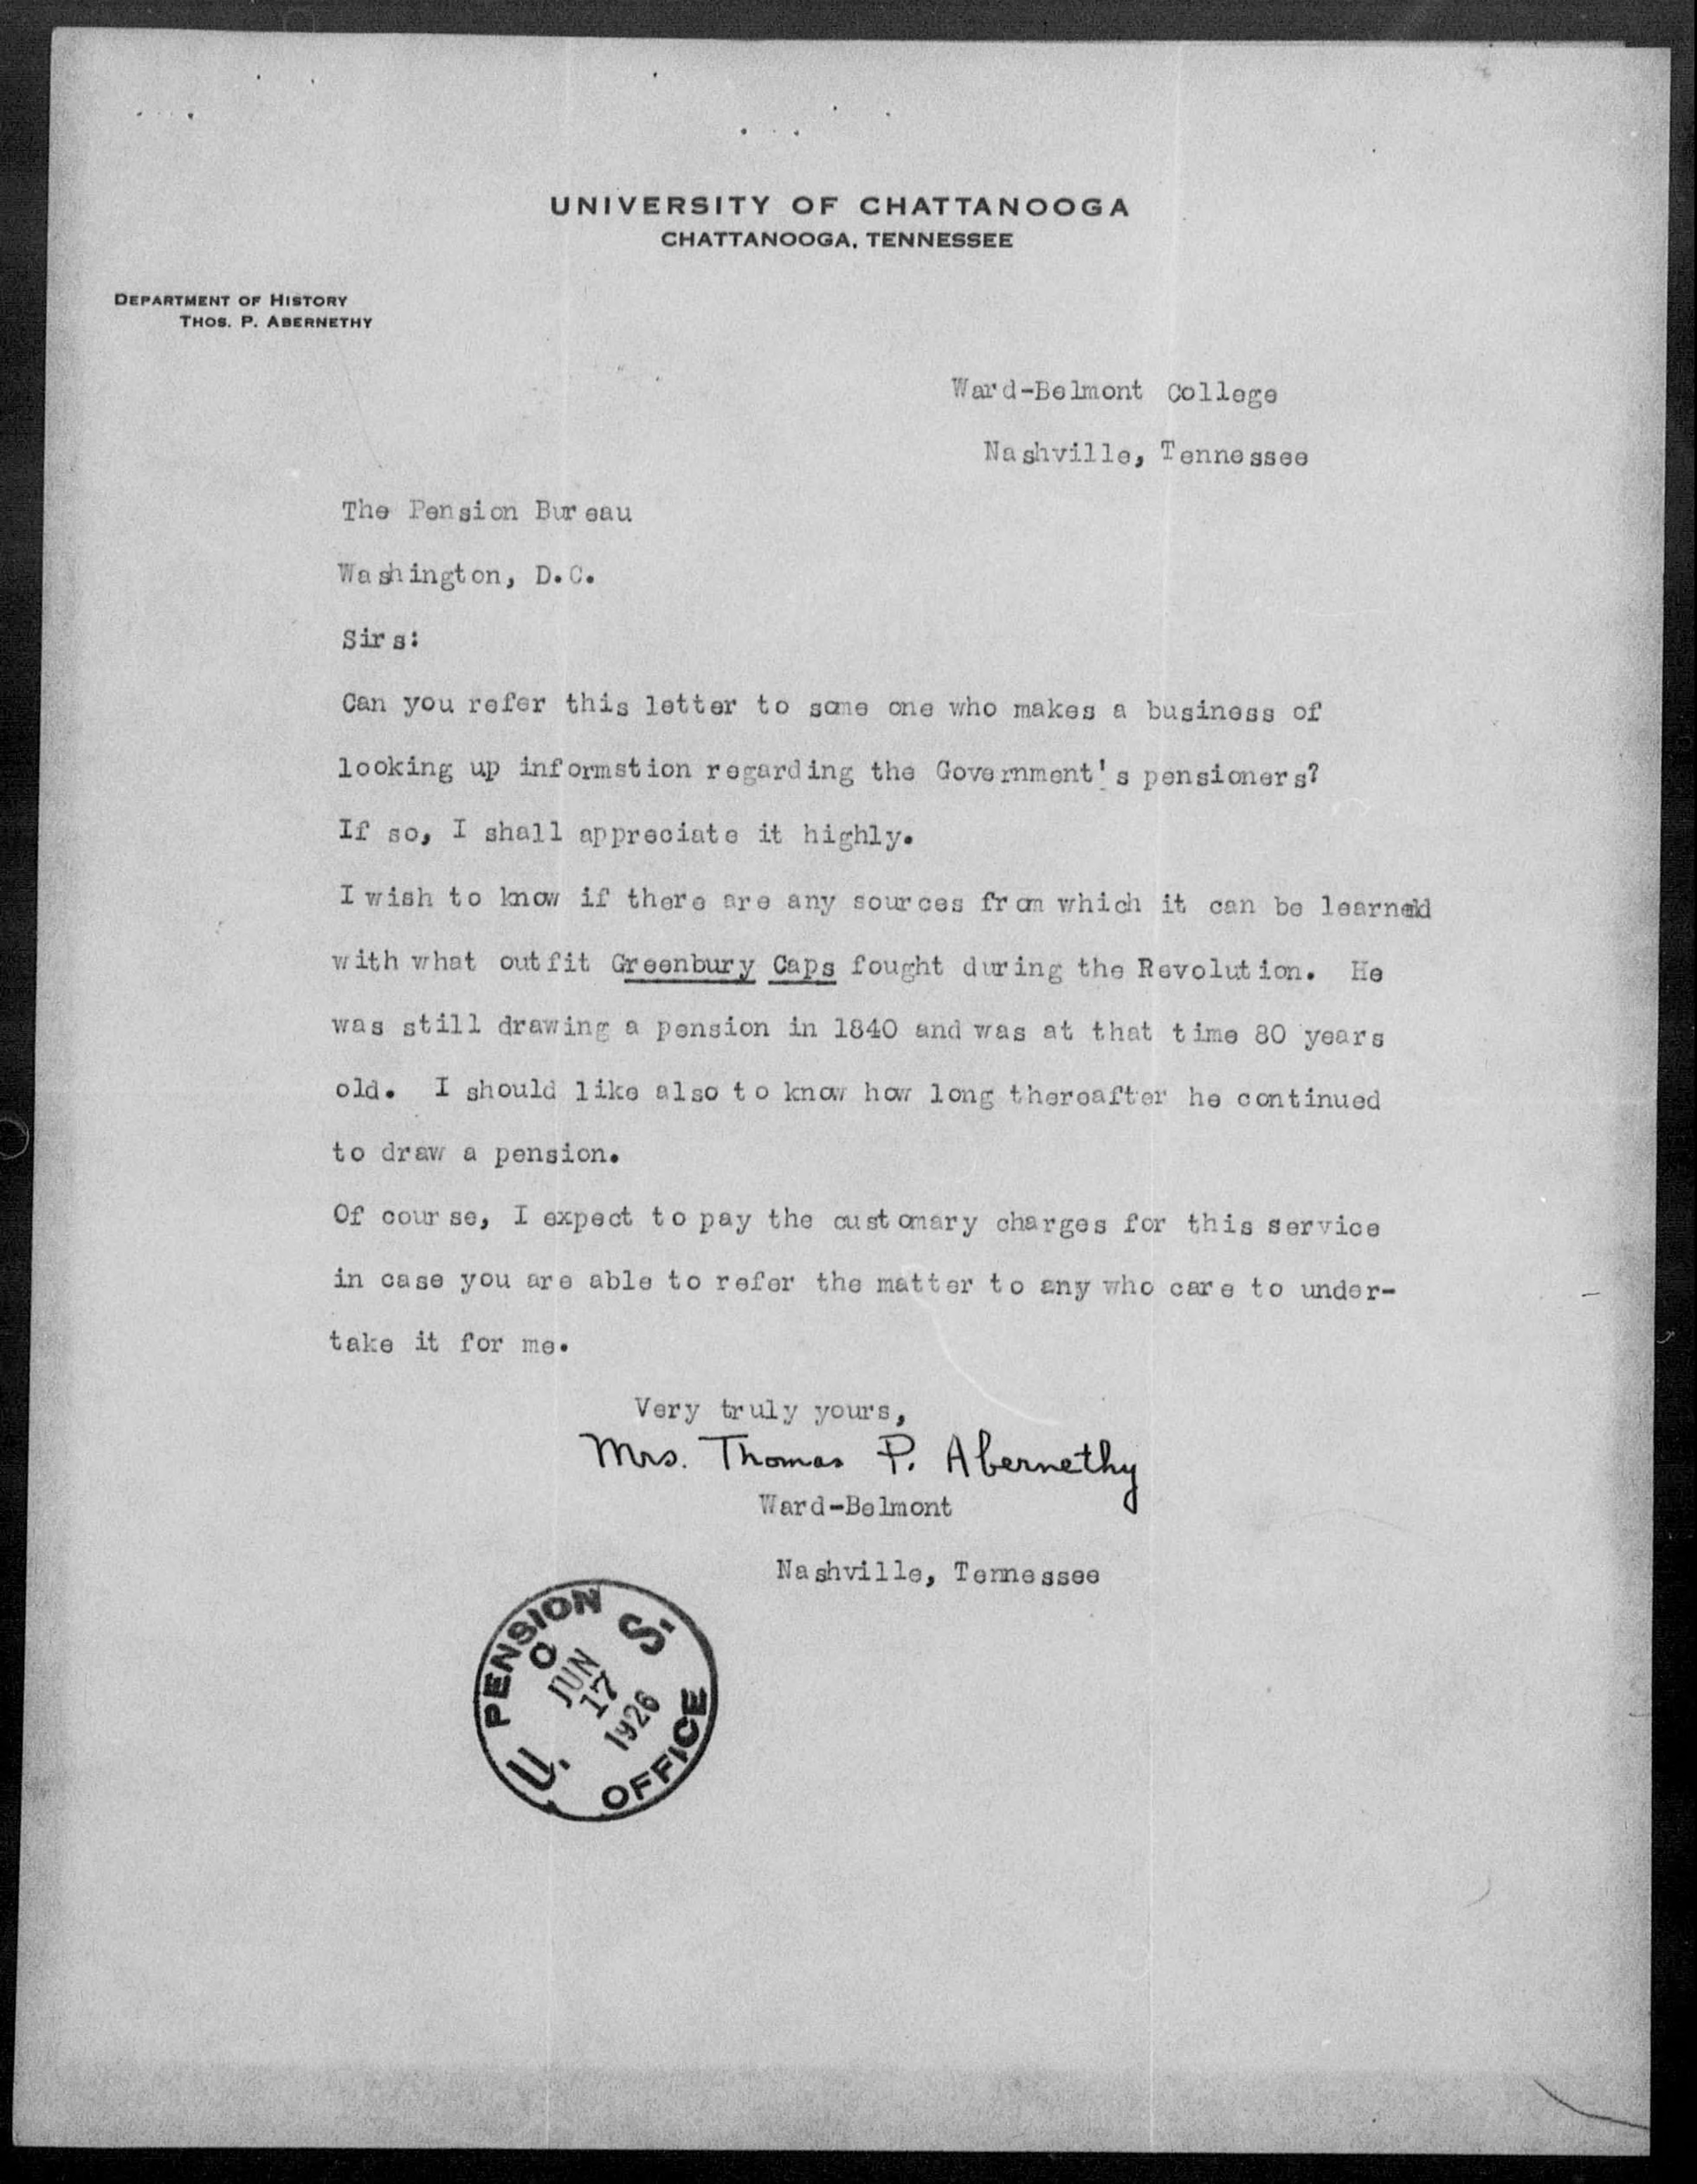UNIVERSITY OF CHATTANOOGA
CHATTANOOGA TENNESSEE

DEPARTMENT OF HISTORY
THOS. P. ABERNETHY

Ward-Belmont College
Nashville, Tennessee

The Pension Bureau
Washington, D. C.

Sirs:

Can you refer this letter to some one who makes a business of looking up information regarding the Government's pensioners?
If so, I shall appreciate it highly.
I wish to know if there are any sources from which it can be learned with what outfit Greenbury Caps fought during the Revolution. Hewas still drawing a pension in 1840 and was at that time 80 years old. I should like also to know how long thereafter he continued to draw a pension.
Of course, I expect to pay the customary charges for this service in case you are able to refer the matter to any who care to undertake
it for me.

Very truly yours,

Mrs. Thomas P. Abernethy
Ward -- Belmont
Nashville, Tennessee

[Stamped at bottom of document: PENSION OFFICE US
JUN 17 1926]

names: Thomas P Abernethy, Greenbury Caps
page: 17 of 26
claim: survivor's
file: S. 21105, Greenbery Caps, S.C.